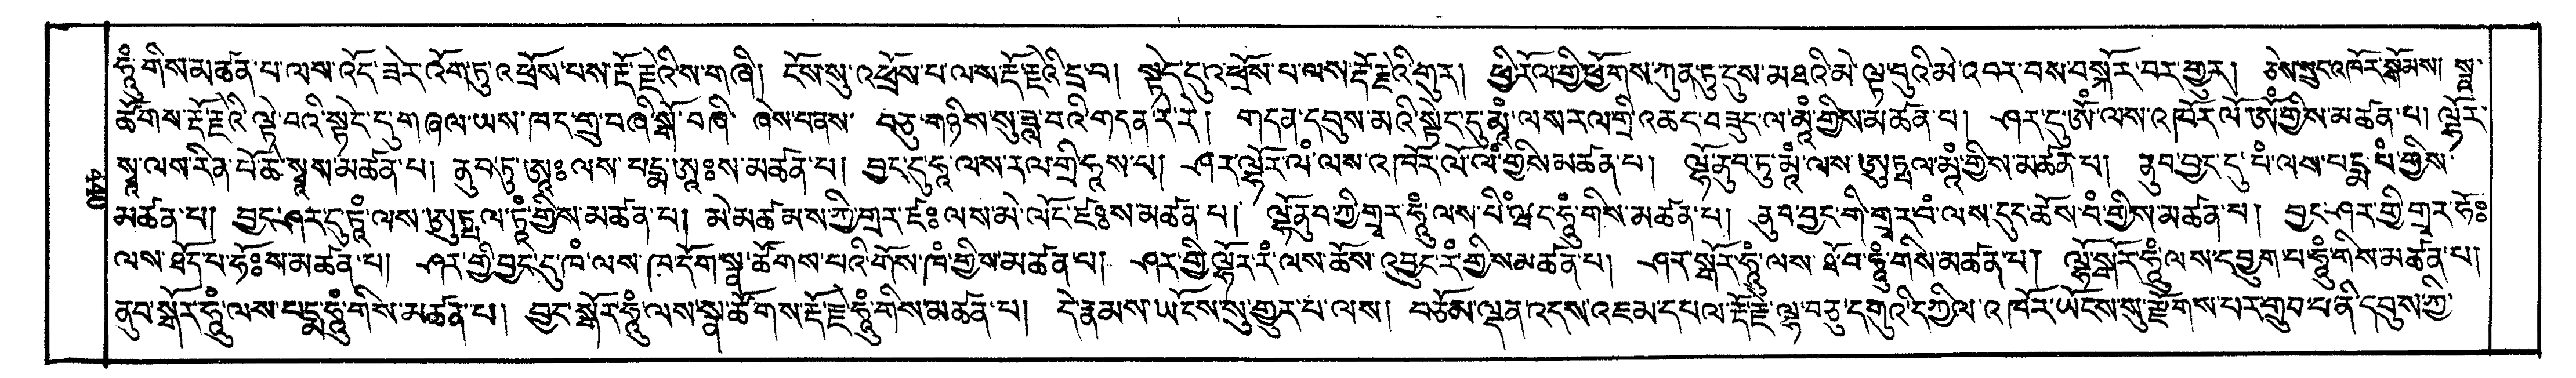ཧཱུཾ་གིས་མཚན་པ་ལས་འོད་ཟེར་འོག་ཏུ་འཕྲོས་པས་རྡོ་རྗེའི་ས་གཞི། ངོས་སུ་འཕྲོས་པ་ལས་རྡོ་རྗེའི་རྭ་བ། སྟེང་དུ་འཕྲོས་པ་ལས་རྡོ་རྗེའི་གུར། ཕྱི་རོལ་གྱི་ཕྱོགས་ཀུན་ཏུ་དུས་མཐའི་མེ་ལྟ་བུའི་མེ་འབར་བས་བསྐོར་བར་གྱུར། ཅེས་སྲུང་འཁོར་སྒོམས། སྣ་
ཚོགས་རྡོ་རྗེའི་ལྟེ་བའི་སྟེང་དུ་གཞལ་ཡས་ཁང་གྲུ་བཞི་སྒོ་བཞི་ཞེས་པ་ནས་བཅུ་གཉིས་སུ་ཟླ་བའི་གདན་རེ་རེ། གདན་དབུས་མའི་སྟེང་དུ་མཱཾ་ལས་རལ་གྲི་འཆང་བཟུང་ལ་མཱཾ་གྱིས་མཚན་པ། ཤར་དུ་ཨོཾ་ལས་འཁོར་ལོ་ཨོཾ་གྱིས་མཚན་པ། ལྷོར་
སྭཱ་ལས་རིན་པོ་ཆེ་སྭཱས་མཚན་པ། ནུབ་ཏུ་ཨཱཿ ལས་པདམ་ཨཱཿ ས་མཚན་པ། བྱང་དུ་ཧཱ་ལས་རལ་གྲི་ཧཱ་ས་པ། ཤར་ལྷོར་ལཾ་ལས་འཁོར་ལོ་ལཾ་གྱིས་མཚན་པ། ལྷོ་ནུབ་ཏུ་མཱཾ་ལས་ཨུཏྤ་ལ་མཱཾ་གྱིས་མཚན་པ། ནུབ་བྱང་དུ་པཾ་ལས་པདམ་པཾ་གྱིས་
མཚན་པ། བྱང་ཤར་དུ་ཏཱཾ་ལས་ཨུཏྤ་ལ་ཏཱཾ་གྱིས་མཚན་པ། མེ་མཚམས་ཀྱི་གྲྭར་ཛཿ ལས་མེ་ལོང་ཛཿ ས་མཚན་པ། ལྷོ་ནུབ་ཀྱི་གྲྭར་ཧཱུཾ་ལས་པི་ཝང་ཧཱུཾ་གིས་མཚན་པ། ནུབ་བྱང་གི་གྲྭར་བཾ་ལས་དུད་ཆོས་བཾ་གྱིས་མཚན་པ། བྱང་ཤར་གྱི་གྲྭར་ཧོཿ
ལས་ཐོད་པ་ཧོཿ ས་མཚན་པ། ཤར་གྱི་བྱང་དུ་ཁཾ་ལས་ཁ་དོག་སྣ་ཚོགས་པའི་གོས་ཁཾ་གྱིས་མཚན་པ། ཤར་གྱི་ལྷོར་རཾ་ལས་ཆོས་འབྱུང་རཾ་གྱིས་མཚན་པ། ཤར་སྒོར་ཧཱུཾ་ལས་ཐོབ་ཧཱུཾ་གིས་མཚན་པ། ལྷོ་སྒོར་ཧཱུཾ་ལས་དབྱུག་པ་ཧཱུཾ་གིས་མཚན་པ།
ནུབ་སྒོར་ཧཱུཾ་ལས་པདམ་ཧཱུཾ་གིས་མཚན་པ། བྱང་སྒོར་ཧཱུཾ་ལས་སྣ་ཚོགས་རྡོ་རྗེ་ཧཱུཾ་གིས་མཚན་པ། དེ་རྣམས་ཡོངས་སུ་གྱུར་པ་ལས། བཅོམ་ལྡན་འདས་འཇམ་དཔལ་རྡོ་རྗེ་ལྷ་བཅུ་དགུའི་དཀྱིལ་འཁོར་ཡོངས་སུ་རྫོགས་པར་གྲུབ་པ་ནི་དབུས་ཀྱི་